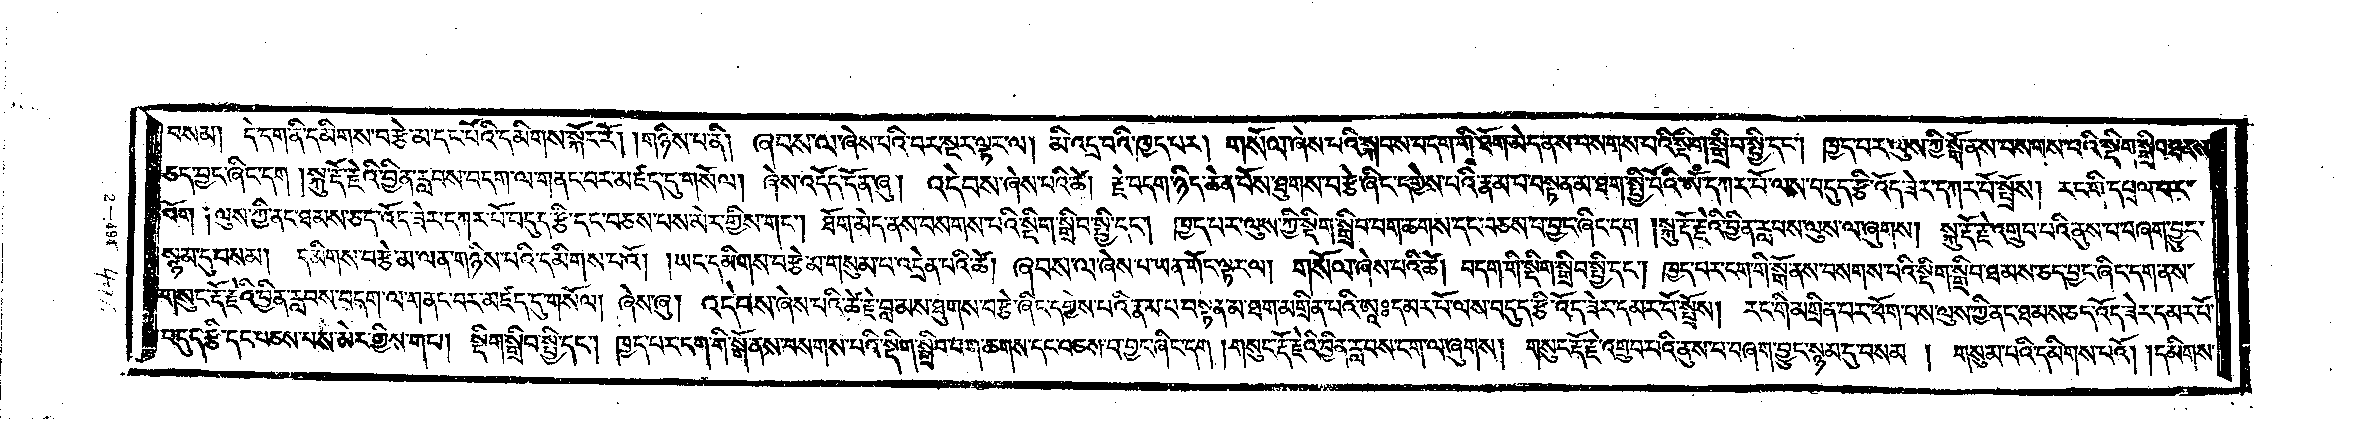བསམ། དེ་དག་ནི་དམིགས་བརྩེ་མ་དང་པོའི་དམིགས་སྐོར་རོ། །གཉིས་པ་ནི།  ཞབས་ལ་ཞེས་པའི་བར་སྔར་ལྟར་ལ། མི་འདྲ་བའི་ཁྱད་པར།  གསོལ་ཞེས་པའི་སྐབས་བདག་གི་ཐོག་མེད་ནས་བསགས་པའི་སྡིག་སྒྲིབ་སྤྱི་དང་། ཁྱད་པར་ལུས་ཀྱི་སྒོ་ནས་བསགས་པའི་སྡིག་སྒྲིབ་ཐམས་
ཅད་བྱང་ཞིང་དག །སྐུ་རྡོ་རྗེའི་བྱིན་རླབས་བདག་ལ་གནང་བར་མཛད་དུ་གསོལ། ཞེས་འདོད་དོན་ཞུ། འདེབས་ཞེས་པའི་ཚེ། རྗེ་བདག་ཉིད་ཆེན་པོས་ཐུགས་བརྩེ་ཞིང་དགྱེས་པའི་རྣམ་པ་བསྟན་མ་ཐག་སྤྱི་བོའི་ཨོཾ་དཀར་པོ་ལས་བདུད་རྩི་འོད་ཟེར་དཀར་པོ་སྤྲོས། རང་གི་དཔྲལ་བར་
པོག ༑ལུས་ཀྱི་ནང་ཐམས་ཅད་འོད་ཟེར་དཀར་པོ་བདུད་རྩི་དང་བཅས་པས་མེར་གྱིས་གང་། ཐོག་མེད་ནས་བསགས་པའི་སྡིག་སྒྲིབ་སྤྱི་དང་། ཁྱད་པར་ལུས་ཀྱི་སྡིག་སྒྲིབ་བག་ཆགས་དང་བཅས་པ་བྱང་ཞིང་དག །སྐུ་རྡོ་རྗེའི་བྱིན་རླབས་ལུས་ལ་ཞུགས། སྐུ་རྡོ་རྗེ་འགྲུབ་པའི་ནུས་པ་བཞག་བྱུང་
སྙམ་དུ་བསམ། དམིགས་བརྩེ་མ་ལན་གཉིས་པའི་དམིགས་པའོ། །ཡང་དམིགས་བརྩེ་མ་གསུམ་པ་འདྲེན་པའི་ཚེ། ཞབས་ལ་ཞེས་པ་ཡན་གོང་ལྟར་ལ།  གསོལ་ཞེས་པའི་ཚེ། བདག་གི་སྡིག་སྒྲིབ་སྤྱི་དང་། ཁྱད་པར་ངག་གི་སྒོ་ནས་བསགས་པའི་སྡིག་སྒྲིབ་ཐམས་ཅད་བྱང་ཞིང་དག་ནས་
གསུང་རྡོ་རྗེའི་བྱིན་རླབས་བདག་ལ་གནང་བར་མཛད་དུ་གསོལ། ཞེས་ཞུ། འདེབས་ཞེས་པའི་ཚེ་རྗེ་བླ་མས་ཐུགས་བརྩེ་ཞིང་དགྱེས་པའི་རྣམ་པ་བསྟན་མ་ཐག་མགྲིན་པའི་ཨཱཿདམར་པོ་ལས་བདུད་རྩི་འོད་ཟེར་དམར་པོ་སྤྲོས། རང་གི་མགྲིན་པར་ཕོག་པས་ལུས་ཀྱི་ནང་ཐམས་ཅད་འོད་ཟེར་དམར་པོ་
བདུད་རྩི་དང་བཅས་པས་མེར་གྱིས་གང་། སྡིག་སྒྲིབ་སྤྱི་དང་། ཁྱད་པར་ངག་གི་སྒོ་ནས་བསགས་པའི་སྡིག་སྒྲིབ་བག་ཆགས་དང་བཅས་པ་བྱང་ཞིང་དག །གསུང་རྡོ་རྗེའི་བྱིན་རླབས་ངག་ལ་ཞུགས། གསུང་རྡོ་རྗེ་འགྲུབ་པའི་ནུས་པ་བཞག་བྱུང་སྙམ་དུ་བསམ། གསུམ་པའི་དམིགས་པའོ། །དམིགས་